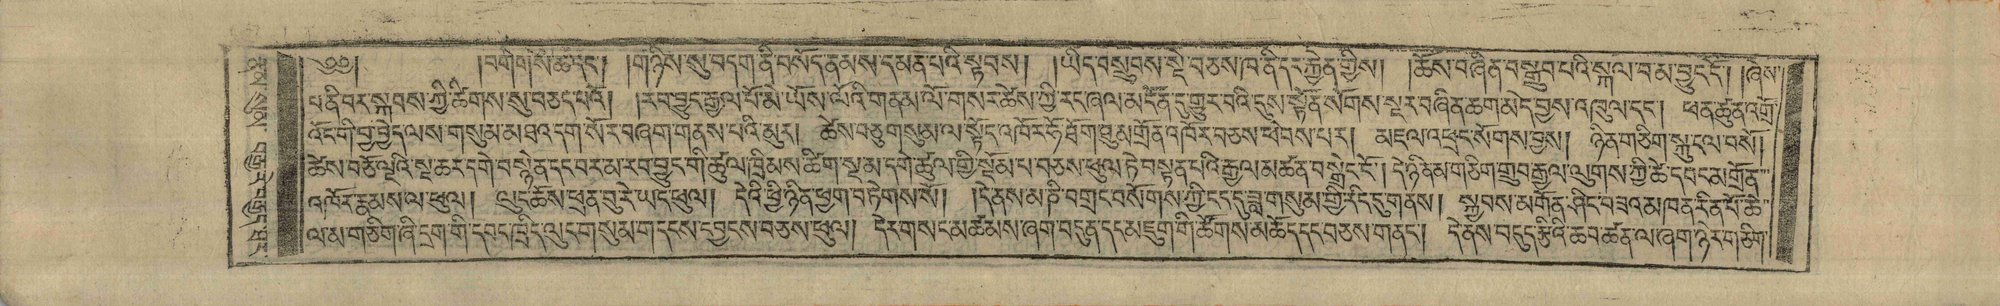༄༅། །བགེགས་ཆ་དང་། །གཉིས་སུ་བདག་ནི་བསོད་ནམས་དམན་པའི་སྟབས། །ཡིད་བསྲུབས་སྡེ་བཅས་ཁ་ནི་དར་རྐྱེན་གྱིས། །ཆོས་བཞིན་བསྒྲུབ་པའི་སྐལ་བ་མ་བྱུང་ངོ། །ཞེས་
པ་ནི་བར་སྐབས་ཀྱི་ཚིགས་སུ་བཅད་པའོ། །རབ་བྱུང་རྒྱལ་པོ་མེ་ཡོས་ལོའི་གནམ་ལོ་གསར་ཚེས་ཀྱི་རང་ཞལ་མངོན་དུ་གྱུར་བའི་དུས་སྟོན་སོགས་སྔར་བཞིན་ཆག་མེད་བྱས་འཁུལ་དང་། ཕན་ཚུན་འགྲོ་
འོང་གི་བྱ་བྱེད་ལས་གསུམ་མཐའ་དག་སོར་བཞག་གནས་པའི་མུར། ཚེས་བཅུ་གསུམ་ལ་སྟོང་འཁོར་ཧོ་ཐོག་ཐུ་མགྲོན་འཁོར་བཅས་ཕེབས་པར། མཇལ་འཕྲད་སོགས་བྱས། ཉིན་གཅིག་སྐུ་ངལ་བསོ།
ཚེས་བཅོ་ལྔའི་སྔ་ཆར་དགེ་བསྙེན་དང་བར་མ་རབ་བྱུང་གི་ཚུལ་ཁྲིམས་ཚིག་སྔ་མ་དགེ་ཚུལ་གྱི་སྡོམ་པ་བཅས་ཕུལ་ཏེ་བསྟན་པའི་རྒྱལ་མཚན་བསྒྲེང་ངོ། དེ་ཉིན་མ་གཅིག་གྲུབ་རྒྱལ་ལུགས་ཀྱི་ཚེ་དབང་མགྲོན་
འཁོར་རྣམས་ལ་ཕུལ། ལུང་ཆོས་ཕྲན་བུ་རེ་ཡང་ཕུལ། དེའི་ཕྱི་ཉིན་ཕྱག་བཏེགས་སོ། །དེ་ནས་མ་ཎི་བགྲང་བསོགས་ཀྱི་ངང་དུ་ཟླ་གསུམ་གྱི་རིང་དུ་གནས། སྐྱབས་མགོན་ཤིང་བཟའ་མཁན་རིན་པོ་ཆེ་
ལ་མ་གཅིག་ཞི་དྲག་གི་དབང་ཁྲིད་ལུང་གསུམ་གདངས་དབྱངས་བཅས་ཕུལ། དེར་གསང་མཚམས་ཞག་བདུན་དང་མཇུག་གི་ཚོགས་མཆོད་དང་བཅས་གནང་། དེ་ནས་བདུད་རྩིའི་ཆབ་ཚན་ལ་ཞག་ཉེར་གཅིག་